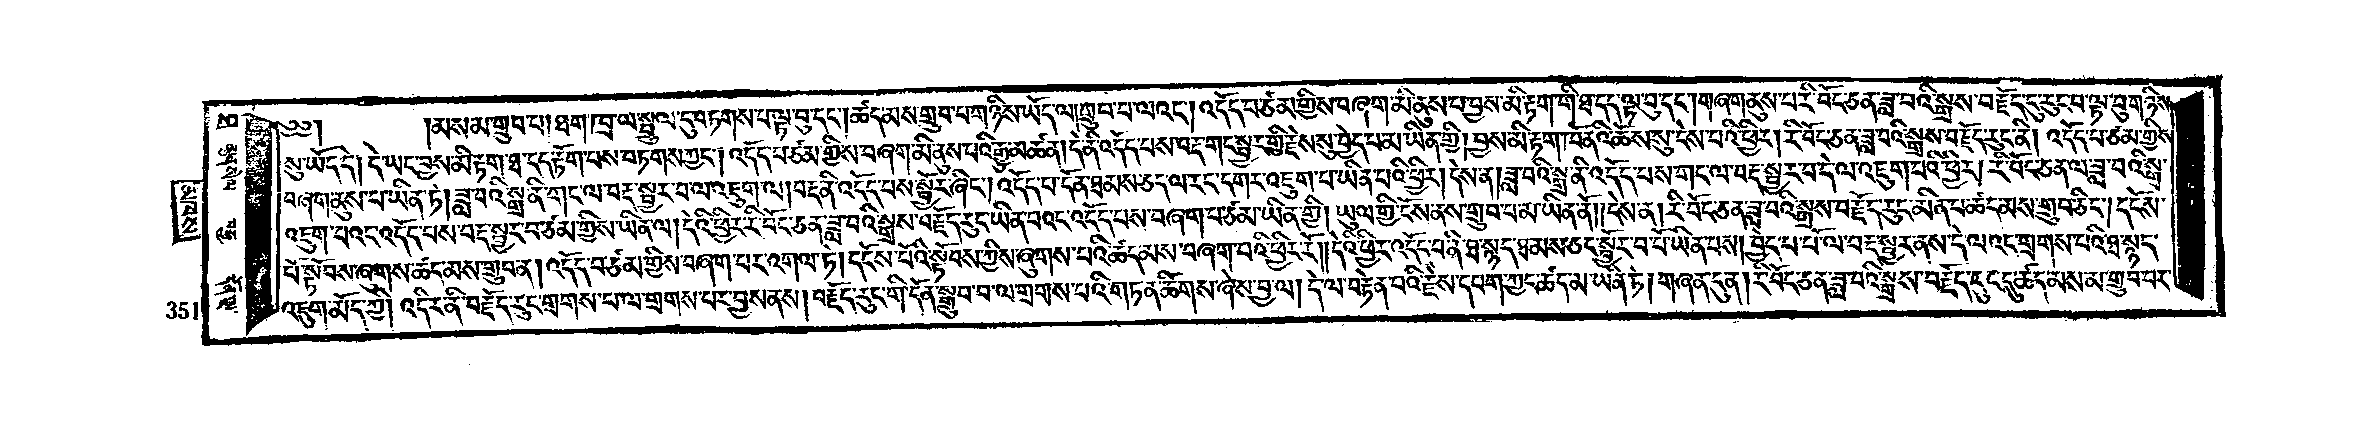༄༅། །མས་མ་གྲུབ་པ། ཐག་ཁྲ་ལ་སྦྲུལ་དུ་བཏགས་པ་ལྟ་བུ་དང་། ཚད་མས་གྲུབ་པ་གཉིས་ཡོད་ལ། གྲུབ་པ་ལའང་། འདོད་པ་ཙམ་གྱིས་བཞག་མི་ནུས་པ་བྱས་མི་རྟག་གི་ཐ་དད་ལྟ་བུ་དང་། གཞག་ནུས་པ་རི་བོང་ཅན་ཟླ་བའི་སྒྲས་བརྗོད་དུ་རུང་བ་ལྟ་བུ་གཉིས་
སུ་ཡོད་དེ། དེ་ཡང་བྱས་མི་རྟག་ཐ་དད་རྟོག་པས་བཏགས་ཀྱང་། འདོད་པ་ཙམ་གྱིས་བཞག་མི་ནུས་པའི་རྒྱུ་མཚན། དེ་ནི་འདོད་པས་བརྡ་གང་སྦྱར་གྱི་རྗེས་སུ་བྱེད་པ་མ་ཡིན་གྱི། བྱས་མི་རྟག་ཁོ་ནའི་ཆོས་སུ་ངེས་པའི་ཕྱིར། རི་བོང་ཅན་ཟླ་བའི་སྒྲས་བརྗོད་རུང་ནི། འདོད་པ་ཙམ་གྱིས་
བཞག་ནུས་པ་ཡིན་ཏེ། ཟླ་བའི་སྒྲ་ནི་གང་ལ་བརྡ་སྦྱར་བ་ལ་འཇུག་ལ། བརྡ་ནི་འདོད་པས་སྦྱོར་ཞིང་།འདོད་པ་དོན་ཐམས་ཅད་ལ་རང་དགར་འཇུག་པ་ཡིན་པའི་ཕྱིར། དེས་ན། ཟླ་བའི་སྒྲ་ནི་འདོད་པས་གང་ལ་བརྡ་སྦྱར་བ་དེ་ལ་འཇུག་པའི་ཕྱིར། རི་བོང་ཅན་ལ་ཟླ་བའི་སྒྲ་
འཇུག་པའང་འདོད་པས་བརྡ་སྦྱར་བ་ཙམ་གྱིས་ཡིན་ལ། དེའི་ཕྱིར་རི་བོང་ཅན་ཟླ་བའི་སྒྲས་བརྗོད་རུང་ཡིན་པའང་འདོད་པས་བཞག་པ་ཙམ་ཡིན་གྱི། ཡུལ་གྱི་ངོས་ནས་གྲུབ་པ་མ་ཡིན་ནོ། །དེས་ན། རི་བོང་ཅན་ཟླ་བའི་སྒྲས་བརྗོད་རུང་མིན་པ་ཚད་མས་གྲུབ་ཅིང་། དངོས་
པོ་སྟོབས་ཞུགས་ཚད་མས་གྲུབ་ན། འདོད་པ་ཙམ་གྱིས་བཞག་པར་འགལ་ཏེ། དངོས་པོའི་སྟོབས་ཀྱིས་ཞུགས་པའི་ཚད་མས་བཞག་པའི་ཕྱིར་རོ། །དེའི་ཕྱིར་འདོད་པ་ནི་ཐ་སྙད་ཐམས་ཅད་སྦྱོར་བ་པོ་ཡིན་པས། བྱེད་པ་པོ་ལ་བརྡ་སྦྱར་ནས་དེ་ལའང་གྲགས་པའི་ཐ་སྙད་
འཇུག་མོད་ཀྱི། འདིར་ནི་བརྗོད་རུང་གྲགས་པ་ལ་གྲགས་པར་བྱས་ནས། བརྗོད་རུང་གི་དོན་སྒྲུབ་པ་ལ་གྲགས་པའི་གཏན་ཚིགས་ཞེས་བྱ་ལ། དེ་ལ་བརྟེན་པའི་རྗེས་དཔག་ཀྱང་ཚད་མ་ཡིན་ཏེ། གཞན་དུ་ན། རི་བོང་ཅན་ཟླ་བའི་སྒྲས་བརྗོད་དུང་དུ་ཚད་མས་མ་གྲུབ་པར་